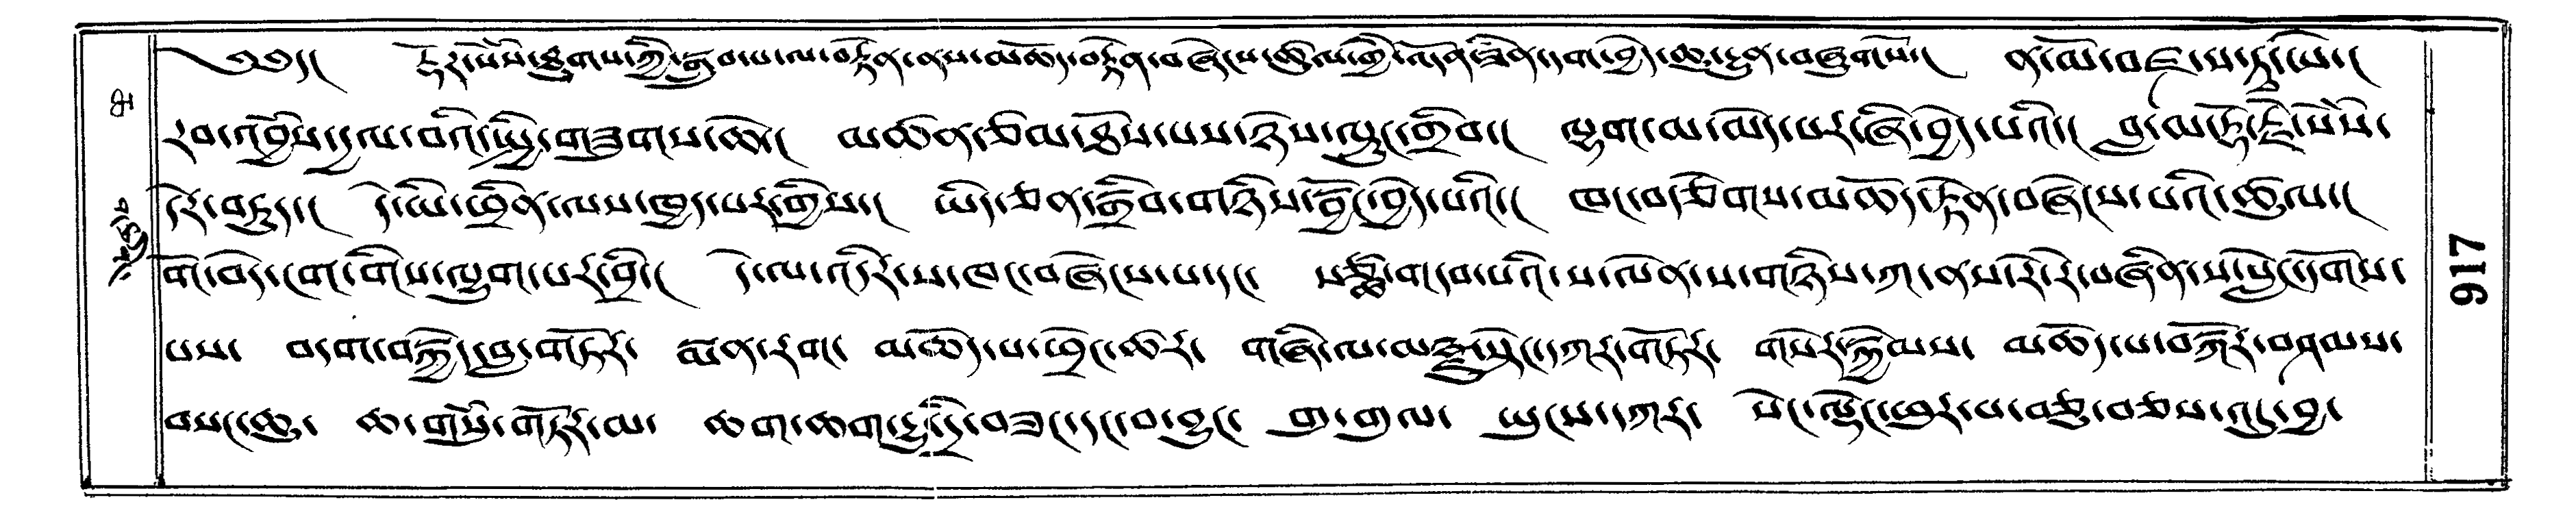༄༅། རྡོར་སེམས་ཐུགས་ཀྱི་སྒྲུབ་པ་ལ་བརྟེན་ནས་མཆོད་རྟེན་བཞེངས་ཚུལ་གྱི་འདོན་ཟིན་དག་བྱེད་ཆུ་རྒྱུན་བཞུགས་སོ། ན་མོ་བཛྲ་ས་ཏྭ་ཡེ། 
རབ་འབྱམས་རྒྱལ་བའི་སྤྱི་གཟུགས་ཆེ། །མཚན་ཙམ་ཐོས་པས་ཉེས་ལྟུང་གྲིབ། ལྷག་མ་མེད་པར་ཞི་བྱེད་པའི། །བླ་མ་རྡོ་རྗེ་སེམས་
དེར་བཏུད། །དེ་ཡི་ཕྲིན་ལས་ཁྱད་པར་གྱིས། །ཡིད་ཅན་སྒྲིབ་གཉིས་སྦྱོང་བྱེད་པའི། ཁང་བརྩེགས་མཆོད་རྟེན་བཞེངས་པའི་ཚུལ། །
གོ་བདེའི་ངག་གི་ལྷུག་པར་བྲི། །དེ་ལ་འདིར་ས་ཁང་བཞེངས་པ་དང་། སཙྪ་གདབ་པའི་ས་ལེན་ས་གཉིས་ཀ་ནས་རེ་རེ་བཞིན་ས་སློང་དགོས་
པས། བདག་བསྐྱེད་བླ་གཏོར། སྨན་རཀ མཆོད་པ་ཕྲེང་ཚར། གཞི་ལ་མཉྫི་སྟེང་དཀར་གཏོར། གསེར་སྐྱེམས། མཆོད་པ་བསྐོར་བཤམས་
བསང་ཆུ། ཆ་གསུམ་གཏོར་མ། ཆག་ཆག་རྒྱུ་དྲི་བཟང་དང་བ་བྱུང་། གུ་གུལ། ཡུངས་དཀར། སེང་ལྡེང་ཕུར་པ་བཅུ་བཅས་འདུ་བྱ།